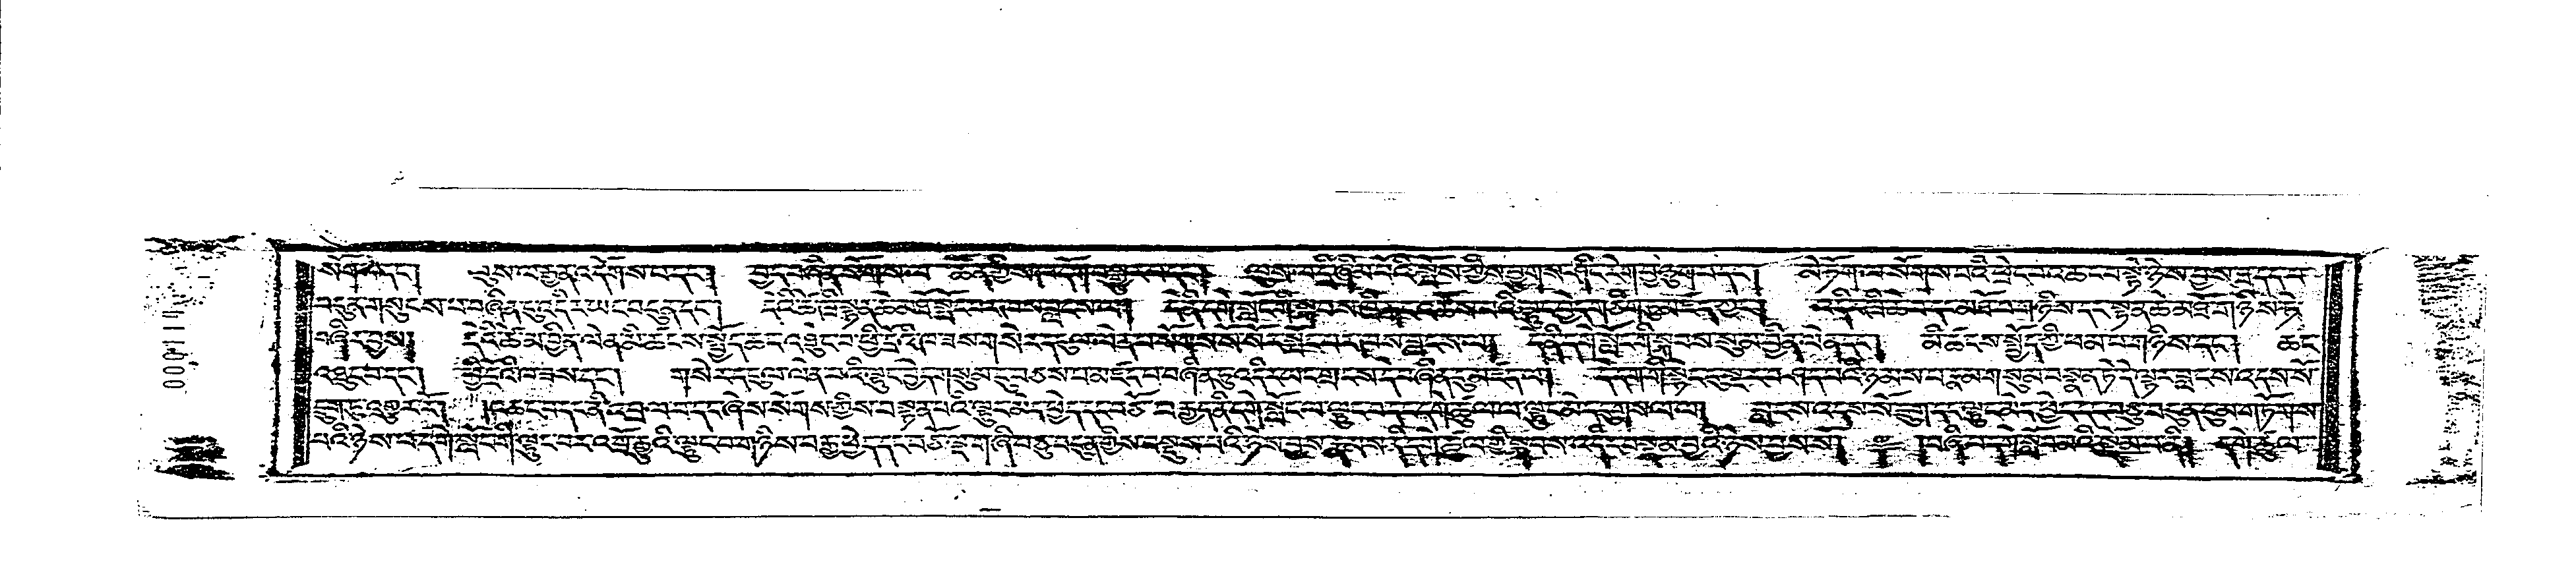སོགས་དང་། ལུས་ལ་རྒྱན་འདོགས་པ་དང་། བྱད་བཞིན་སོགས་ལ་ཚོན་གྱིས་ཁ་དོག་བསྒྱུར་བ་དང་། ལུས་ལ་དྲི་ཞིམ་པོའི་སྤོས་ཀྱིས་བྱུགས་ཤིང་རེག་བྱ་ཉུག་པ་དང་། མེ་ཏོག་ལ་སོགས་པའི་ཕྲེང་བ་འཆང་བ་སྟེ་ཉེས་བྱས་ཐ་དད་པ་
བདུན་གསུངས་པ་བཞིན་དུ་འདིར་ཡང་བདུན་དང་། དེའི་ཚེ་ཁྲི་སྟན་ཆེ་མཐོ་སྤོང་བར་ཁས་བླངས་ལ། དེ་ནི་དགེ་སློང་གི་སྐབས་ཁྲི་རྐང་འཚོས་པའི་ལྟུང་བྱེད་གཅིག་ཏུ་མཛད་ཀྱང་། འདིར་ཁྲི་ཆེ་བ་དང་མཐོ་བ་གཉིས་དང་སྟན་ཆེ་མཐོ་གཉིས་ཏེ་
བཞིར་བྱས། དེའི་ཚེ་མ་བྱིན་ལེན་མི་ཚངས་སྤྱོད་ཆང་འཐུང་བ་ཕྱི་དྲོའི་ཁ་ཟས་གསེར་དངུལ་ལེན་པ་སོགས་སོ་སོར་སྤོང་བར་ཁས་བླངས་པ། དེ་ནི་དགེ་སློང་གི་སྐབས་སུ་མ་བྱིན་ལེན་དང་། མི་ཚངས་སྤྱོད་ཀྱི་ཕམ་པ་གཉིས་དང་། ཆང་
འཐུང་བ་དང་། ཕྱི་དྲོའི་ཁ་ཟས་དང་། གསེར་དངུལ་ལེན་པའི་ལྟུང་བྱེད་གསུམ་དུ་བཅས་པ་མཛད་པ་བཞིན་ཏུ་འདིར་ཡང་གྲངས་དེ་བཞིན་དུ་མཛད་ལ། དེ་དག་གི་སྟེང་དུ་སྔར་བཤད་པའི་ཉམས་པ་རྣམ་གསུམ་བསྣན་ཏེ་དེ་ལྟར་བླངས་འདས་སོ་
དྲུག་ཏུ་འགྱུར་རོ། །འཆང་བ་དང་ནི་འབྲལ་བ་དང་ཞེས་སོགས་ཀྱིས་བསྟན་པའི་ལྟུང་མེད་ཕྱེད་དང་བཅོ་བརྒྱད་ནི་དགེ་སློང་ལ་ལྟུང་བ་དང་དགེ་ཚུལ་ལ་ལྟུང་མེད་དུ་གསལ་ལ། བླངས་འདས་སོ་དྲུག་དང་ལྟུང་མེད་ཕྱེད་དང་བཅུ་བདུན་དུ་མ་གཏོགས་
པའི་ཉེས་པ་དགེ་སློང་གི་ལྟུང་བར་འགྲོ་རྒྱུའི་ལྟུང་བ་གཉིས་བརྒྱ་ཕྱེད་དང་བཅོ་ལྔ་གཞི་བཅུ་བདུན་གྱིས་བསྡུས་པའི་ཉེས་བྱས་རྣམས་ནི་དགེ་ཚུལ་གྱི་སྐབས་འདིར་བསྡམ་བྱའི་ཉེས་བྱས་སོ། ༈ །བཞི་བ་དགེ་སློབ་མའི་སྡོམ་པ་ནི། དགེ་ཚུལ་